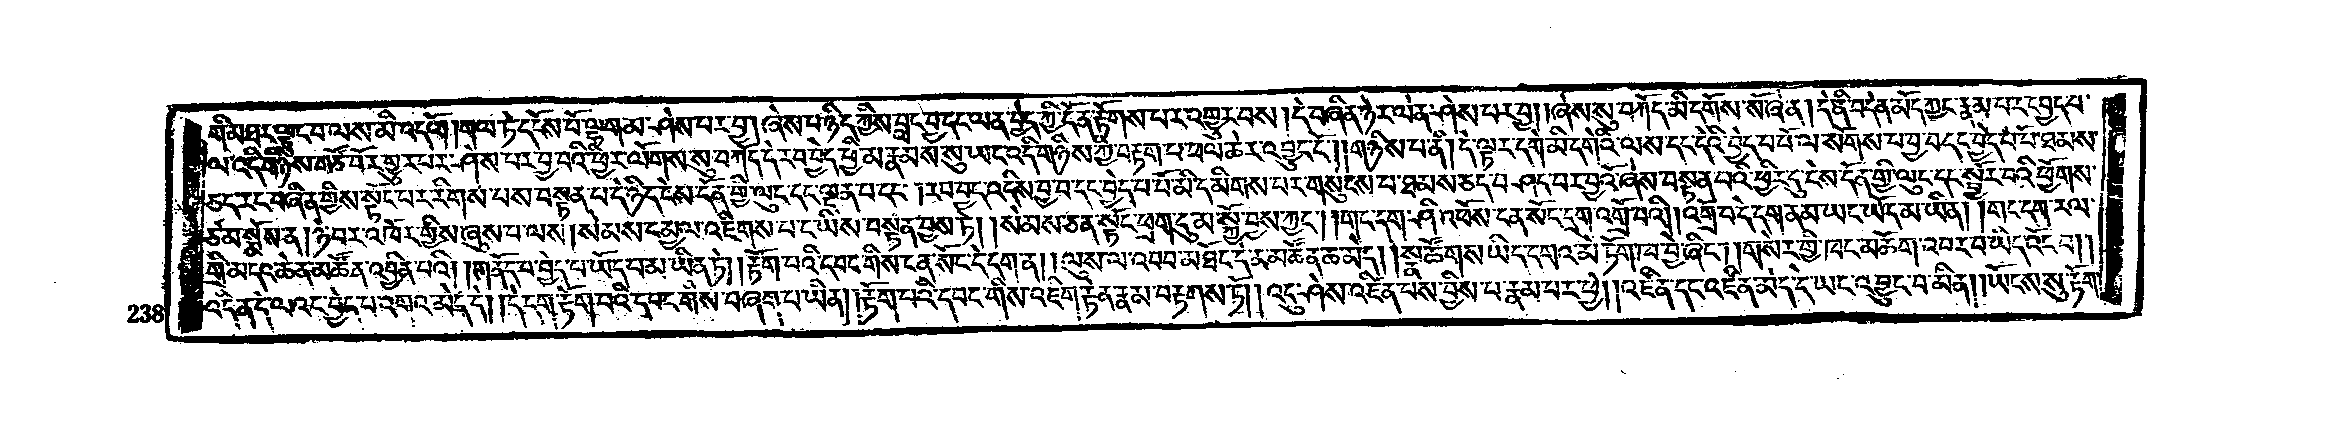གི་མཐར་ལྟུང་བ་ལས་མི་འདྲའོ། །གལ་ཏེ་དངོས་པོ་ལྷག་མ་ཤེས་པར་བྱ། ཞེས་པ་ཉིད་ཀྱིས་བླང་བྱ་དང་ལན་བྱེད་ཀྱི་དོན་རྟོགས་པར་འགྱུར་བས། དེ་བཞིན་ཉེར་ལེན་ཤེས་པར་བྱ། །ཞེས་སུ་བཀོད་མི་དགོས་སོ་ཞེ་ན། དེ་ནི་བདེན་མོད་ཀྱང་རྣམ་པར་དཔྱད་པ་
ལ་འདི་གཉིས་གཙོ་བོར་གྱུར་པར་ཤེས་པར་བྱ་བའི་ཕྱིར་ལོགས་སུ་བཀོད་དེ་རབ་བྱེད་ཕྱི་མ་རྣམས་སུ་ཡང་འདི་གཉིས་ཀྱི་བརྟག་པ་ཕལ་ཆེར་འབྱུང་ངོ། །གཉིས་པ་ནི། དེ་ལྟར་དགེ་མི་དགེའི་ལས་དང་དེའི་བྱེད་པ་པོ་ལ་སོགས་པ་བྱ་བ་དང་བྱེད་པ་པོ་ཐམས་
ཅད་རང་བཞིན་གྱིས་སྟོང་པར་རིགས་པས་བསྟན་པ་དེ་ཉིད་ངེས་དོན་གྱི་ལུང་དང་ལྡན་པ་དང་། རབ་བྱེད་འདིས་བྱ་བ་དང་བྱེད་པ་པོ་མི་དམིགས་པར་གསུངས་པ་ཐམས་ཅད་བཤད་པར་བྱའོ་ཞེས་བསྟན་པའི་ཕྱིར་དུ་ངེས་དོན་གྱི་ལུང་དང་སྦྱོར་བའི་ཕྱོགས་
ཅམ་སྨོས་ན། ཉེ་བར་འཁོར་གྱིས་ཞུས་པ་ལས། སེམས་དམྱལ་འཇིགས་པ་ང་ཡིས་བསྟན་བྱས་ཏ། །སེམས་ཅན་སྟོང་ཕྲག་དུ་མ་སྐྱོ་བྱས་ཀྱང་། །གང་དག་ཤི་འཕོས་ངན་སོང་དྲག་འགྲོ་བའི། །འགྲོ་བ་དེ་དག་ནམ་ཡང་ཡོད་མ་ཡིན། །གང་དག་རལ་
གྲི་མདའ་ཆེན་མཚོན་འབྱིན་པའི། །གནོད་པ་བྱེད་པ་ཡོད་པ་མ་ཡིན་ཏེ། །རྟོག་པའི་དབང་གིས་ངན་སོང་དེ་དག་ན། །ལུས་ལ་འབབ་མཐོང་དེ་ན་མཚོན་ཆ་མེད། །སྣ་ཚོགས་ཡིད་དགའ་མེ་ཏོག་ཁ་བྱེ་ཞིང་། །གསེར་གྱི་ཁང་མཆོག་འབར་བ་ཡིད་འོང་བ། །
འདི་ན་དེ་ལའང་བྱེད་པ་འགའ་མེད་དེ། །དེ་དག་རྟོག་པའི་དབང་གིས་བཞག་པ་ཡིན། །རྟོག་པའི་དབང་གིས་འཇིག་རྟེན་རྣམ་བརྟགས་ཏེ། །འདུ་ཤེས་འཛིན་པས་བྱིས་པ་རྣམ་པར་ཕྱེ། །འཛིན་དང་འཛིན་མེད་དེ་ཡང་འབྱུང་བ་མིན། །ཡོངས་སུ་རྟོག་